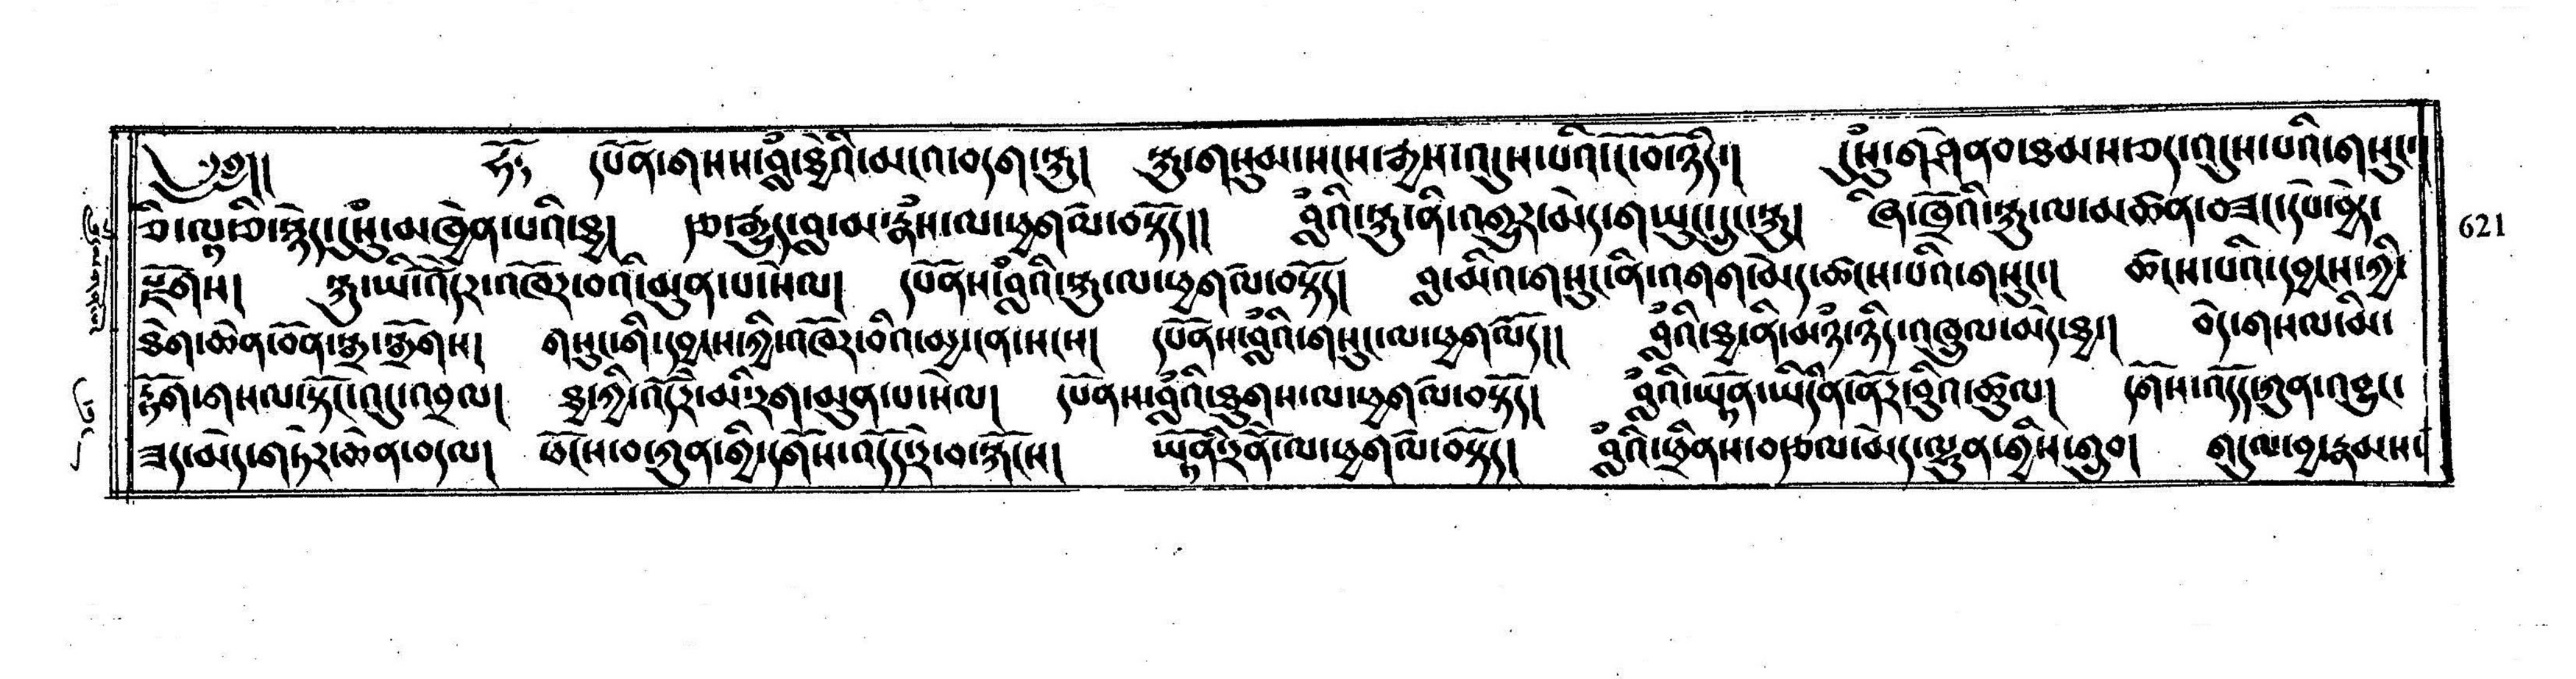ཧོ། དཔོན་གསས་བླ་མ་ཐུགས་རྗེའི་མངའ་བདག་སྐུ། སྐུ་གསུམ་སངས་རྒྱས་འདུས་པའི་ངོ་བོ་ཉིད། དུས་གསུམ་གཤེན་རབ་ཐམས་ཅད་འདུས་པའི་གསུང་། 
ཅི་ལྟ་ཅི་སྙེད་དུས་གསུམ་མཁྱེན་པའི་ཐུགས། རྩ་རྒྱུད་བླ་མ་རྣམས་ལ་ཕྱག་འཚལ་བསྟོད།། བླ་མའི་སྐུ་ནི་འགྱུར་མེད་གཡུང་དྲུང་སྐུ། ཞི་ཁྲོའི་སྐུ་ལ་མཚན་བཟང་དཔེ་བྱེད་
རྫོགས། སྐུ་ཡི་འོད་ཟེར་འཁོར་བའི་མུན་པ་སེལ། དཔོན་གསས་བླ་མའི་སྐུ་ལ་ཕྱག་འཚལ་བསྟོད། བླ་མའི་གསུང་ནི་འགག་མེད་ཚངས་པའི་གསུང་། ཚངས་པའི་དབྱངས་ཀྱི་
ཐེག་ཆེན་བོན་སྒྲ་སྒྲོགས། གསུང་གི་དབྱངས་ཀྱི་འཁོར་བའི་མྱ་ངན་སངས། དཔོན་གསས་བླ་མའི་གསུང་ལ་ཕྱག་འཚལ་བསྟོད།། བླ་མའི་ཐུགས་ནི་མཉམ་ཉིད་འཁྲུལ་མེད་ཐུགས། བདེ་གསལ་མི་
རྟོག་གསལ་སྟོང་འདུ་འབྲལ་མེད། ཐུགས་ཀྱི་འོད་ཟེར་མ་རིག་མུན་པ་སེལ། དཔོན་གསས་བླ་མའི་ཐུགས་ལ་ཕྱག་འཚལ་བསྟོད། བླ་མའི་ཡོན་ཏན་ཡིད་བཞིན་ནོར་བུའི་ཚུལ། དགོས་འདོད་ཀུན་འབྱུང་
ཟད་མེད་གཏེར་ཆེན་བདལ། ཕོངས་བ་ཀུན་གྱི་དགོས་འདོད་རེ་བ་སྐོངས། ཡོན་ཏན་རིན་པོ་ཆེ་ལ་ཕྱག་འཚལ་བསྟོད། བླ་མའི་ཕྲིན་ལས་བརྩལ་མེད་ལྷུན་གྱིས་གྲུབ། གདུལ་བྱ་རྣམས་